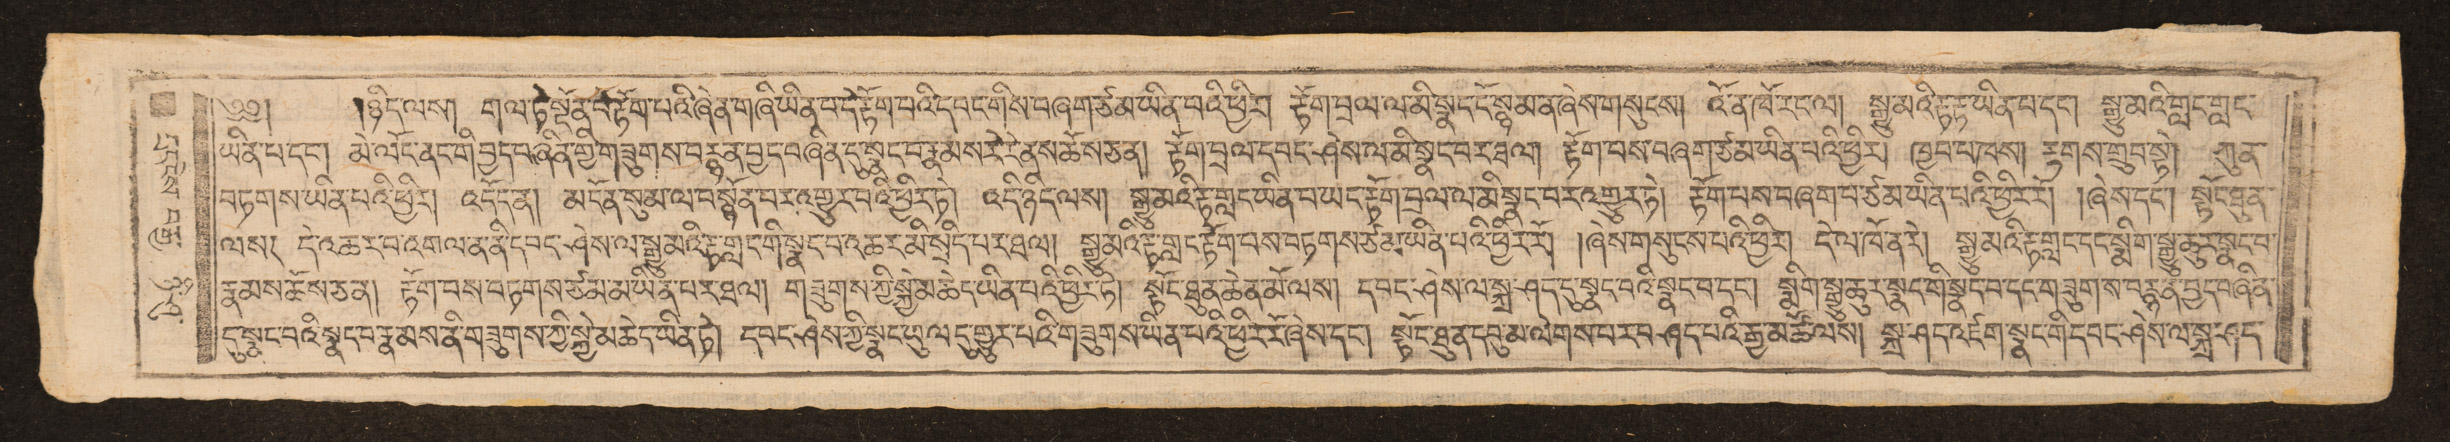༄༅། །ཉིད་ལས། གལ་ཏེ་སྔོན་པོ་རྟོག་པའི་ཞེན་གཞི་ཡིན་པ་དེ་རྟོག་པའི་དབང་གིས་བཞག་ཙམ་ཡིན་པའི་ཕྱིར། རྟོག་བྲལ་ལ་མི་སྣང་ངོ་སྙམ་ན་ཞེས་གསུངས། འོ་ན་ཁོ་རང་ལ། སྒྱུ་མའི་རྟ་རྟ་ཡིན་པ་དང་། སྒྱུ་མའི་གླང་གླང་
ཡིན་པ་དང་། མེ་ལོང་ནང་གི་བྱད་བཞིན་གྱི་གཟུགས་བརྙན་བྱང་བཞིན་དུ་སྣང་བ་རྣམས་རེ་རེ་ནས་ཆོས་ཅན། རྟོག་བྲལ་དབང་ཤེས་ལ་མི་སྣང་བར་ཐལ། རྟོག་པས་བཞག་ཙམ་ཡིན་པའི་ཕྱིར། ཁྱབ་པ་ཁས། རྟགས་གྲུབ་སྟེ། ཀུན་
བཏག་པ་ཡིན་པའི་ཕྱིར། འདོད་ན། མངོན་སུམ་ལ་བསྙོན་པར་འགྱུར་བའི་ཕྱིར་ཏེ། འདི་ཉིད་ལས། སྒྱུ་མའི་རྟ་གླང་ཡིན་པ་ཡང་རྟོག་བྲལ་ལ་མི་སྣང་བར་འགྱུར་ཏེ། རྟོག་པས་བཞག་པ་ཙམ་ཡིན་པའི་ཕྱིར་རོ། །ཞེས་དང་། སྟོང་ཐུན་
ལས༑ དེ་འཆར་པ་འགལ་ན་ནི་དབང་ཤེས་ལ་སྒྱུ་མའི་རྟ་གླང་གི་སྣང་པ་འཆར་མི་སྲིད་པར་ཐལ། སྒྱུ་མའི་རྟ་གླང་རྟོག་བས་བཏགས་ཙམ་ཡིན་པའི་ཕྱིར་རོ། །ཞེས་གསུངས་པའི་ཕྱིར། དེ་ལ་ཁོ་ན་རེ། སྒྱུ་མའི་རྟ་གླང་དང་སྨིག་སྒྱུ་ཆུར་སྣང་བ་
རྣམས་ཆོས་ཅན། རྟོག་པས་བཏགས་ཙམ་མ་ཡིན་པར་ཐལ། གཟུགས་ཀྱི་སྐྱེ་མཆེད་ཡིན་པའི་ཕྱིར་ཏེ། སྟོང་ཐུན་ཆེན་མོ་ལས། དབང་ཤེས་ལ་སྐྲ་ཤད་དུ་སྣང་བའི་སྣང་བ་དང་། སྨིག་སྒྱུ་ཆུར་སྣང་གི་སྣང་བ་དང་གཟུགས་བརྙན་བྱད་བཞིན་
དུ་སྣང་བའི་སྣང་བ་རྣམས་ནི་གཟུགས་ཀྱི་སྐྱེ་མཆེད་ཡིན་ཏེ། དབང་ཤེས་ཀྱི་སྣང་ཡུལ་དུ་གྱུར་པའི་གཟུགས་ཡིན་པའི་ཕྱིར་རོ་ཞེས་དང་། སྟོང་ཐུན་དབུ་མ་ལེགས་པར་བཤད་པའི་རྒྱ་མཚོ་ལས། སྐྲ་ཤད་འཛག་སྣང་གི་དབང་ཤེས་ལ་སྐྲ་ཤད་